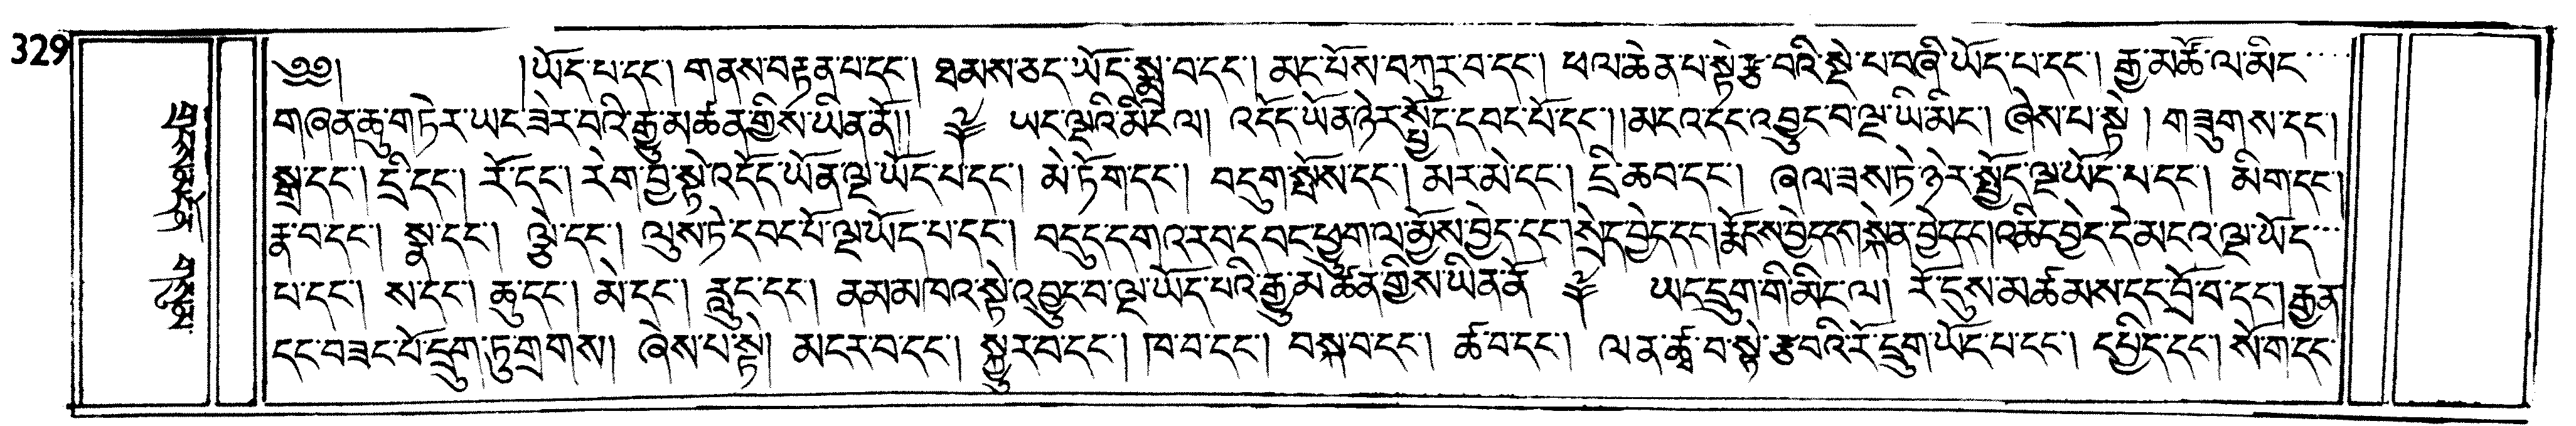༄༅། །ཡོད་པ་དང་། གནས་བརྟན་པ་དང་། ཐམས་ཅད་ཡོད་སྨྲ་བ་དང་། མང་པོས་བཀུར་བ་དང་། ཕལ་ཆེན་པ་སྟེ་རྩ་བའི་སྡེ་པ་བཞི་ཡོད་པ་དང་། རྒྱ་མཚོ་ལ་མིང་
གཞན་ཆུ་གཏེར་ཡང་ཟེར་བའི་རྒྱུ་མཚན་གྱིས་ཡིན་ནོ།། འ་ཡང་ལྔའི་མིང་ལ། འདོད་ཡོན་ཉེར་སྤྱོད་དབང་པོ་དང་། །མངའ་དང་འབྱུང་བ་ལྔ་ཡི་མིང་། ཞེས་པ་སྟེ། གཟུགས་དང་།
སྒྲ་དང་། དྲི་དང་། རོ་དང་། རེག་བྱ་སྟེ་འདོད་ཡོན་ལྔ་ཡོད་པ་དང་། མེ་ཏོག་དང་། བདུག་སྤོས་དང་། མར་མེ་དང་། དྲི་ཆབ་དང་། ཞལ་ཟས་ཏེ་ཉེར་སྤྱོད་ལྔ་ཡོད་པ་དང་། མིག་དང་
རྣ་བ་དང་། སྣ་དང་། ལྕེ་དང་། ལུས་ཏེ་དབང་པོ་ལྔ་ཡོད་པ་དང་། བདུད་དགའ་རབ་དབང་ཕྱུག་ལ་མྱོས་བྱེད་དང་། སྲེད་བྱེད་དང་། རྨོངས་བྱེད་དག་སྐེན་བྱེད་དང་། འཆིང་བྱེད་དེ་མངའ་ལྔ་ཡོད་
པ་དང་། ས་དང་། ཆུ་དང་། མེ་དང་། རླུང་དང་། ནམ་མཁའ་སྟེ་འབྱུང་བ་ལྔ་ཡོད་པའི་རྒྱུ་མཚན་གྱིས་ཡིན་ནོ་འ་ཡང་དྲུག་གི་མིང་ལ། རོ་དུས་མཚམས་དང་བྲོ་བ་དང་། རྒྱན་
དང་བཟང་པོ་དྲུག་ཏུ་གྲགས། ཞེས་པ་སྟེ། མངར་བ་དང་། སྐྱུར་བ་དང་། ཁ་བ་དང་། བསྐ་བ་དང་། ཚ་བ་དང་། ལན་ཚྭ་བ་སྟེ་རྩ་བའི་རོ་དྲུག་ཡོང་པ་དང་། དཔྱིད་དང་། སོ་ག་དང་